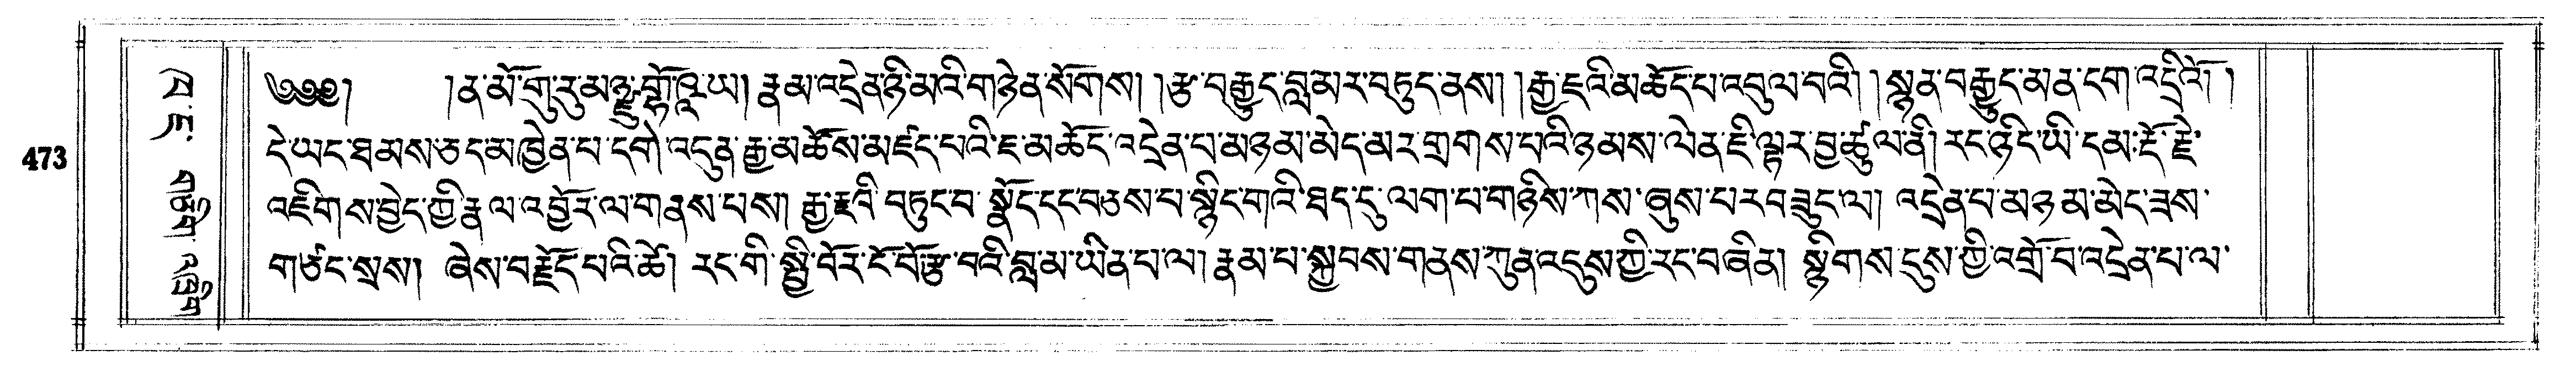༄༅༅། །ན་མོ་གུ་རུ་མཉྫུ་གྷོ་ཥཱ་ཡ། རྣམ་འདྲེན་ཉི་མའི་གཉེན་སོགས། །རྩ་བརྒྱུད་བླ་མར་བཏུད་ནས། །རྒྱ་ཇའི་མཆོད་པ་འབུལ་བའི། །སྙན་བརྒྱུད་མན་ངག་འདྲིའོ། །
དེ་ཡང་ཐམས་ཅད་མཁྱེན་པ་དགེ་འདུན་རྒྱ་མཚོས་མཛད་པའི་ཇ་མཆོད་འདྲེན་པ་མཉམ་མེད་མར་གྲགས་པའི་ཉམས་ལེན་ཇི་ལྟར་བྱ་ཚུལ་ནི། རང་ཉིད་ཡི་དམ་རྡོ་རྗེ་
འཇིགས་བྱེད་ཀྱི་རྣལ་འབྱོར་ལ་གནས་པས། རྒྱ་རྗའི་བཏུང་བ་སྣོད་དང་བཅས་པ་སྙིང་གའི་ཐད་དུ་ལག་པ་གཉིས་ཀས་ཞུས་པར་བཟུང་ལ། འདྲེན་པ་མཉམ་མེད་ཟས་
གཙང་སྲས། ཞེས་བརྗོད་པའི་ཚེ། རང་གི་སྤྱི་བོར་ངོ་བོ་རྩ་བའི་བླ་མ་ཡིན་པ་ལ། རྣམ་པ་སྐྱབས་གནས་ཀུན་འདུས་ཀྱི་རང་བཞིན། སྙིགས་དུས་ཀྱི་འགྲོ་བ་འདྲེན་པ་ལ་